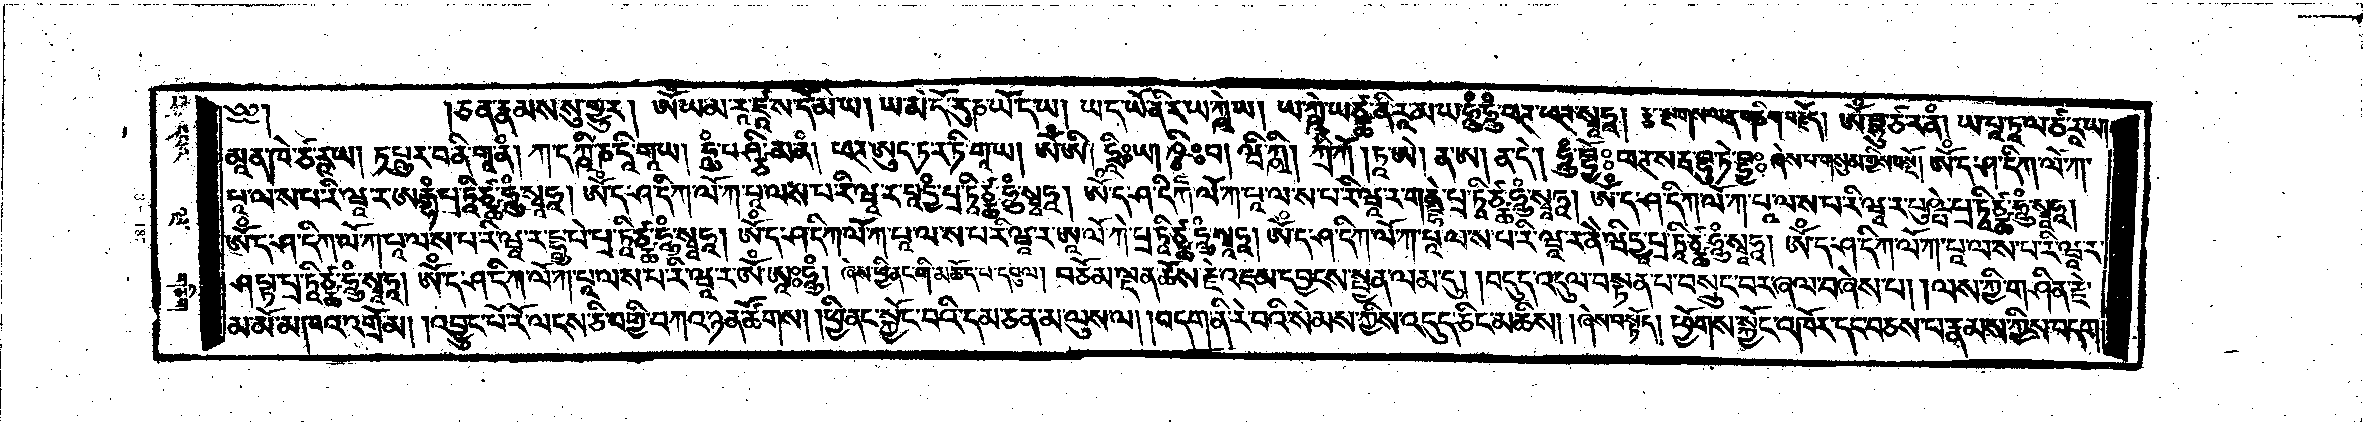༄༅། །ཅན་རྣམས་སུ་གྱུར། ཨོཾ་ཡ་མ་རཱ་ཛཱ་ས་དོ་མེ་ཡ། ཡ་མ་དོ་རུ་ཎ་ཡོ་ད་ཡ། ཡ་ད་ཡོ་ནི་ར་ཡ་ཀྵེ་ཡ། ཡ་ཀྵེ་ཡཙྪ་ནི་རཱ་མ་ཡ་ཧཱུཾ་ཧཱུཾ་ཕཊ་ཕཊ་སྭཱཧཱ། རྩ་སྔགས་ལན་གཅིག་བརྗོད།  ཨོཾ་བྷུ་ཙ་ར་ནཾ། ཡཱ་པཱ་ཏཱ་ལ་ཙ་རཱ་ཡ་
མཱན་ཁེ་ཙ་རཱ་ཡ། ཏ་པཱུར་བ་ནི་གཱ་ནཾ། ཀ་དཀྵི་ཎ་དཱི་གཱ་ཡ། ཧཱུཾ་པ་ཥྀཙ་མ་ནཾ། ཕཊ་ཨུད་ཏ་ར་ཏི་གཱ་ཡ། ཨོཾ་ཨི། ཧྲཱིཿཡ། ཥྩིཿ བ། ཝི་ཀྵི། ཀྲི་ཀོ། ཏཱ་ཨེ། ན་ཨ། ན་དེ། ཧཱུཾ་བྷྱོཿ ཕཊ་སརྦ་བྷུ་ཏེ་བྷྱཿ ཞེས་པ་གསུམ་གྱིས་བསྔོ། ཨོཾ་ད་ཤ་དིཀ་ལོ་ཀ་
པཱ་ལ་ས་པ་རི་ཝཱ་ར་ཨརྒྷཾ་པྲ་ཏཱིཙྡྶ་ཧཱུཾ་སྭཱཧཱ། ཨོཾ་ད་ཤ་དིཀ་ལོ་ཀ་པཱ་ལ་ས་པ་རི་ཝཱ་ར་པཱདྱཔྲ་ཏཱིཙྪ་ཧཱུཾ་སྭཱཧཱ། ཨོཾ་ད་ཤ་དིཀ་ལོ་ཀ་པཱ་ལ་ས་པ་རི་ཝཱ་ར་གཎྜྷེ་པྲ་ཏཱི་ཙྪ་ཧཱུཾ་སྭཱཧཱ། ཨོཾ་ད་ཤ་དིཀ་ལོ་ཀ་པཱ་ལ་ས་པ་རི་ཝཱ་ར་པུཥྤེ་པྲ་ཏཱིཙྪ་ཧཱུཾ་སྭཱཧཱ།
ཨོཾ་ད་ཤ་དིཀ་ལོ་ཀ་པཱ་ལ་ས་པ་རི་ཝཱ་ར་དྷཱུ་པེ་པྲ་ཏཱིཙྪ་ཧཱུཾ་སྭྰྷཱ། ཨོཾ་ད་ཤ་དིཀ་ལོ་ཀ་པཱ་ལས་པ་རི་ཝཱ་ར་པཱྱྡྱཾ་པྲ་ཏཱིཙྪ་ཧཱུཾ་སྭཱཧཱ། ཨོཾ་ད་ཤ་དིཀ་ལོ་ཀ་པཱ་ལ་ས་པ་རི་ཝཱ་ར་གནྡྡྷེ་པྲ་ཏཱི་ཙྪ་ཧཱུཾ་སྭཱཧཱ། ཨོཾ་ད་ཤ་དིཀ་ལོ་ཀ་པ་ལ་ས་པ་རི་ཝཱ་ར་
ཤཔྟ་པྲ་ཏཱིཙྪ་ཧཱུཾ་སྭཱཧཱ། ཨོཾ་ད་ཤ་དིཀ་ལོ་ཀ་པཱ་ལ་ས་པ་རི་ཝཱ་ར་ཨོཾ་ཨཱཿ ཧཱུཾ། ཞེས་ཕྱི་ནང་གི་མཆོད་པ་དབུལ། བཅོམ་ལྡན་ཆོས་རྗེ་འཇམ་དབྱངས་སྦྱན་ལམ་དུ། །བདུད་འདུལ་བསྟན་པ་བསྲུང་བར་ཞལ་བཞེས་པ། །ལས་ཀྱི་གཤིན་རྗེ་
མ་མོ་མཁའ་འགྲོ་མ། འབྱུང་པོ་རོ་ལངས་ཅི་བགྱི་བཀའ་ཉན་ཚོགས། །ཕྱི་ནང་སྐྱོང་བའི་དམ་ཅན་མ་ལུས་ལ། །བདག་ནི་རེ་བའི་སེམས་ཀྱིས་འདུད་ཅིང་མཆིས། །ཞེས་བསྟོད།  ཕྱོགས་སྐྱོང་འཁོར་དང་བཅས་པ་རྣམས་ཀྱིས་བདག་